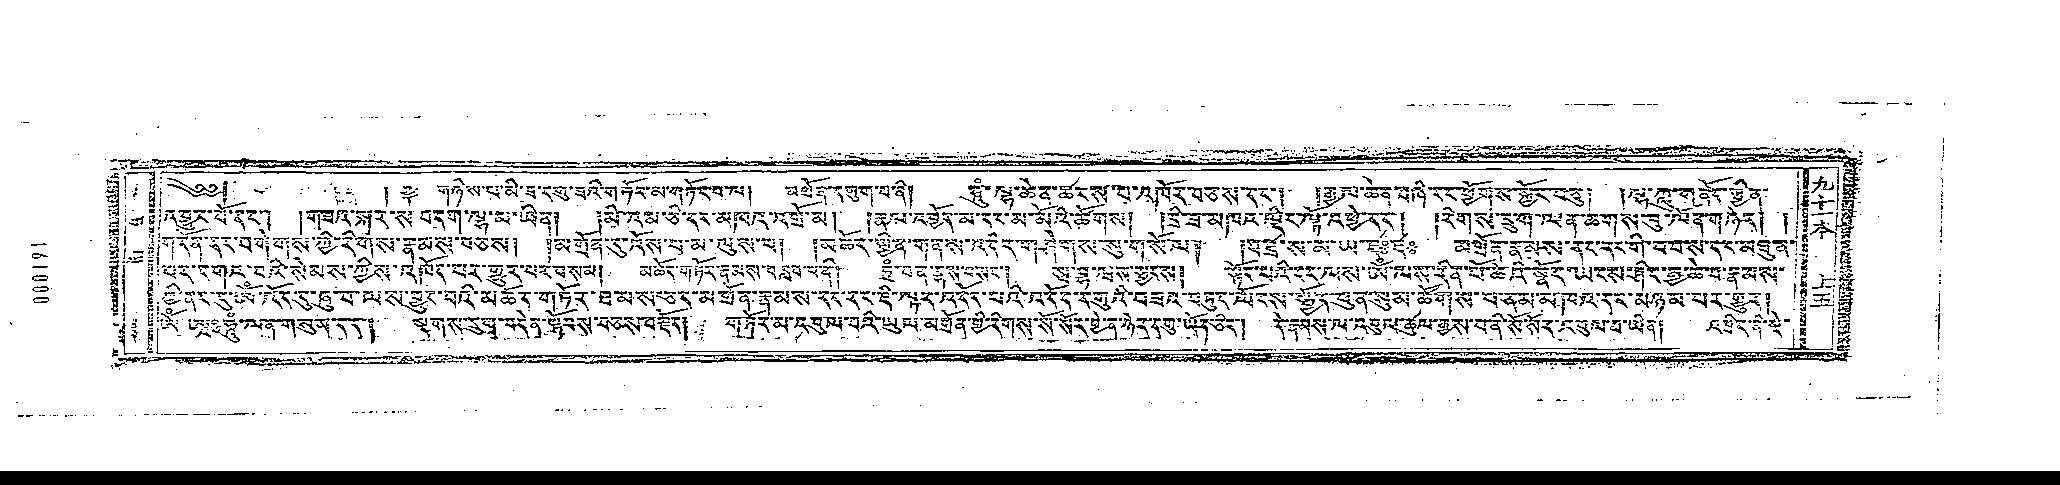༄༅། ། ༈ །གཉིས་པ་མི་ཟ་དགུ་ཟའི་གཏོར་མ་གཏོང་བ་ལ། །མགྲོན་དགུག་པ་ནི། །ཧཱུཾ་ལྷ་ཆེན་ཚངས་པ་འཁོར་བཅས་དང་། །རྒྱལ་ཆེན་བཞི་དང་ཕྱོགས་སྐྱོང་བཅུ། །ལྷ་ཀླུ་གནོད་སྦྱིན་
འབྱུང་པོ་དང་། །གཟའ་སྐར་ས་བདག་ལྷ་མ་ཡིན། །མིའམ་ཅི་དང་མཁའ་འགྲོ་མ། །རྣལ་འབྱོར་མ་དང་མ་མོའི་ཚོགས། །དྲི་ཟ་མཁའ་ལྡིང་ལྟོ་འཕྱེ་དང་། །རིགས་དྲུག་ལན་ཆགས་བུ་ལན་གཉིས།
གདོན་དང་བགེགས་ཀྱི་རིགས་རྣམས་བཅས། །མགྲོན་དུ་འོས་པ་མ་ལུས་པ། །མཆོད་སྦྱིན་གནས་འདིར་གཤེགས་སུ་གསོལ། །བཛྲ་ས་མ་ཡ་ཛཿ་ཛཿ་མགྲོན་རྣམས་རང་རང་གི་བབས་དང་མཐུན་
པར་དགའ་བའི་སེམས་ཀྱིས་འཁོད་པར་གྱུར་པར་བསམ། །མཆོད་གཏོར་རྣམས་བརླབ་པ་ནི། །ཏྲི་བནྡྷ་བསང་། སྭ་བྷཱ་ཝས་སྦྱངས། སྟོང་པའི་ངང་ལས་ཨོཾ་ལས་རིན་པོ་ཆེའི་སྣོད་ཡངས་ཤིང་རྒྱ་ཆེ་བ་རྣམས་
ཀྱི་ནང་དུ་ཨོཾ་འོད་དུ་ཞུ་བ་ལས་བྱུང་བའི་མཆོད་གཏོར་ཐམས་ཅད་མགྲོན་རྣམས་རང་རང་ཇི་ལྟར་འདོད་པའི་འདོད་དགུའི་བཟའ་བཏུང་ལོངས་སྤྱོད་ཕུན་སུམ་ཚོགས་པ་ནམ་མཁའ་དང་མཉམ་པར་གྱུར།
ཨོཾ་ཨཱཿ་ཧཱུཾ་ལན་གསུམ་དང་། སྔགས་དྲུག་བདེན་སྟོབས་བཅས་བརྗོད། གཏོར་མ་འབུལ་བའི་ཡུལ་མགྲོན་གྱི་རིགས་སོ་སོར་ཕྱེ་ན་ཉེར་དགུ་ཡོང་ཅིང་། དེ་རྣམས་ལ་འབུལ་ཚུལ་རྒྱས་པ་ནི་སོ་སོར་འབུལ་བ་ཡིན། འབྲིང་ནི་སྡེ་